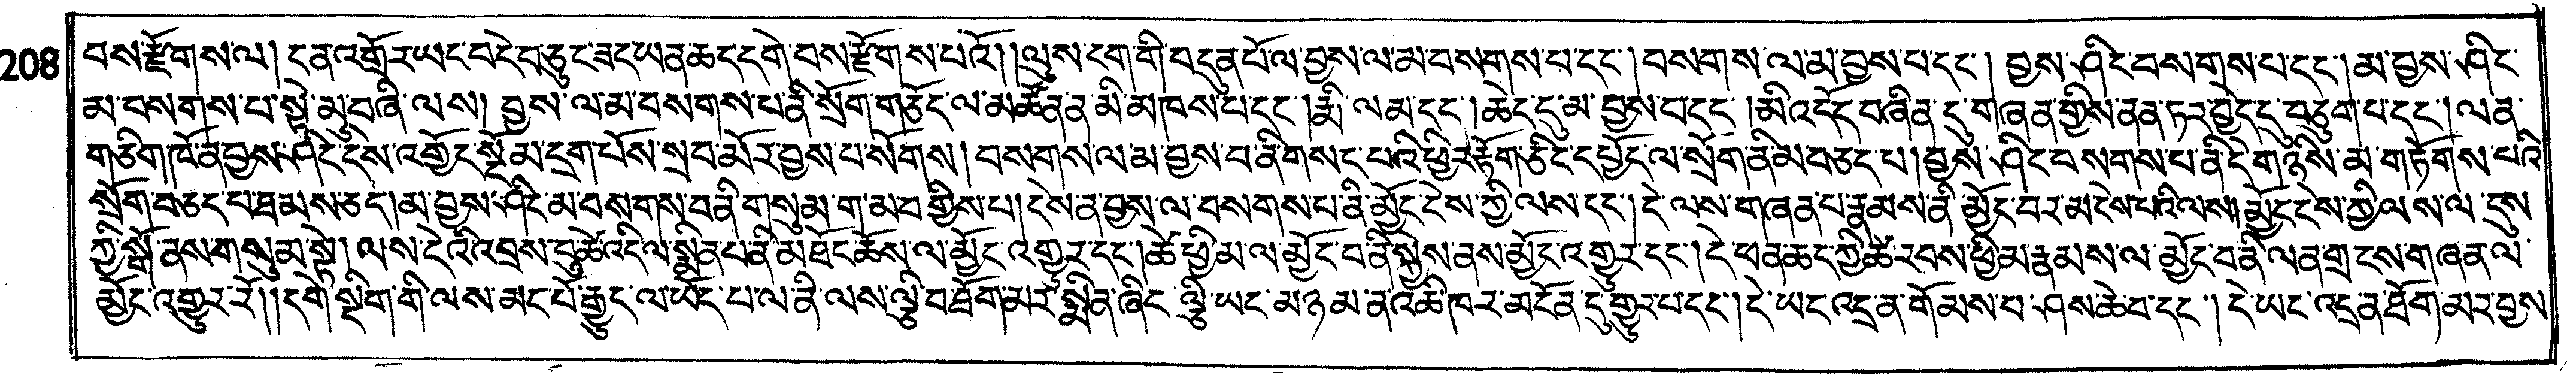བས་རྫོགས་ལ། ངན་འགྲོར་ཡང་བདེ་བ་ཅུང་ཟད་ཡན་ཆད་དགེ་བས་རྫོགས་པའོ། །ལུས་ངག་གི་བདུན་པོ་ལ་བྱས་ལ་མ་བསགས་པ་དང་། བསགས་ལ་མ་བྱས་པ་དང་། བྱས་ཤིང་བསགས་པ་དང་། མ་བྱས་ཤིང་
མ་བསགས་པ་སྟེ་མུ་བཞི་ལས། བྱས་ལ་མ་བསགས་པ་ནི་སྲོག་གཅོད་ལ་མཚོན་ན་མི་མཁས་པ་དང་། རྨི་ལམ་དང་། ཆེད་དུ་མ་བྱས་པ་དང་། མི་འདོད་བཞིན་དུ་གཞན་གྱིས་ནན་ཏར་བྱེད་དུ་བཅུག་པ་དང་། ལན་
གཅིག་ཁོ་ན་བྱས་ཤིང་དེས་འགྱོད་སྡོམ་དྲག་པོས་སྲབ་མོར་བྱས་པ་སོགས། བསགས་ལ་མ་བྱས་པ་ནི་གསང་པའི་ཕྱིར་རྟོག་ཅིང་དཔྱོད་ལ་སྲོག་ནི་མ་བཅད་པ། བྱས་ཤིང་བསགས་པ་ནི་དེ་གཉིས་མ་གཏོགས་པའི་
སྲོག་བཅད་པ་ཐམས་ཅད། མ་བྱས་ཤིང་མ་བསགས་བ་ནི་གསུམ་ག་མ་བགྱིས་པ། དེས་ན་བྱས་ལ་བསགས་པ་ནི་མྱོང་ངེས་ཀྱི་ལས་དང་། དེ་ལས་གཞན་པ་རྣམས་ནི་མྱོང་བར་མ་ངེས་པའི་ལས། མྱོང་ངེས་ཀྱི་ལས་ལ་དུས་
ཀྱི་སྒོ་ནས་གསུམ་སྟེ། ལས་དེའི་འབྲས་བུ་ཚེ་འདི་ལ་སྨིན་པ་ནི་མཐོང་ཆོས་ལ་མྱོང་འགྱུར་དང་། ཚེ་ཕྱི་མ་ལ་མྱོང་བ་ནི་སྐྱེས་ནས་མྱོང་འགྱུར་དང་། དེ་ཕན་ཆད་ཀྱི་ཚེ་རབས་ཕྱི་མ་རྣམས་ལ་མྱོང་བ་ནི་ལན་གྲངས་གཞན་ལ་
མྱོང་འགྱུར་རོ། །དགེ་སྡིག་གི་ལས་མང་པོ་རྒྱུད་ལ་ཡོད་པ་ལ་ནི་ལས་ལྕི་བ་ཐོག་མར་སྨིན་ཞིང་ལྕི་ཡང་མཉམ་ན་འཆི་ཁར་མངོན་དུ་གྱུར་པ་དང་། དེ་ཡང་འདྲ་ན་གོམས་པ་ཤས་ཆེ་བ་དང་། དེ་ཡང་འདྲ་ན་ཐོག་མར་བྱས་